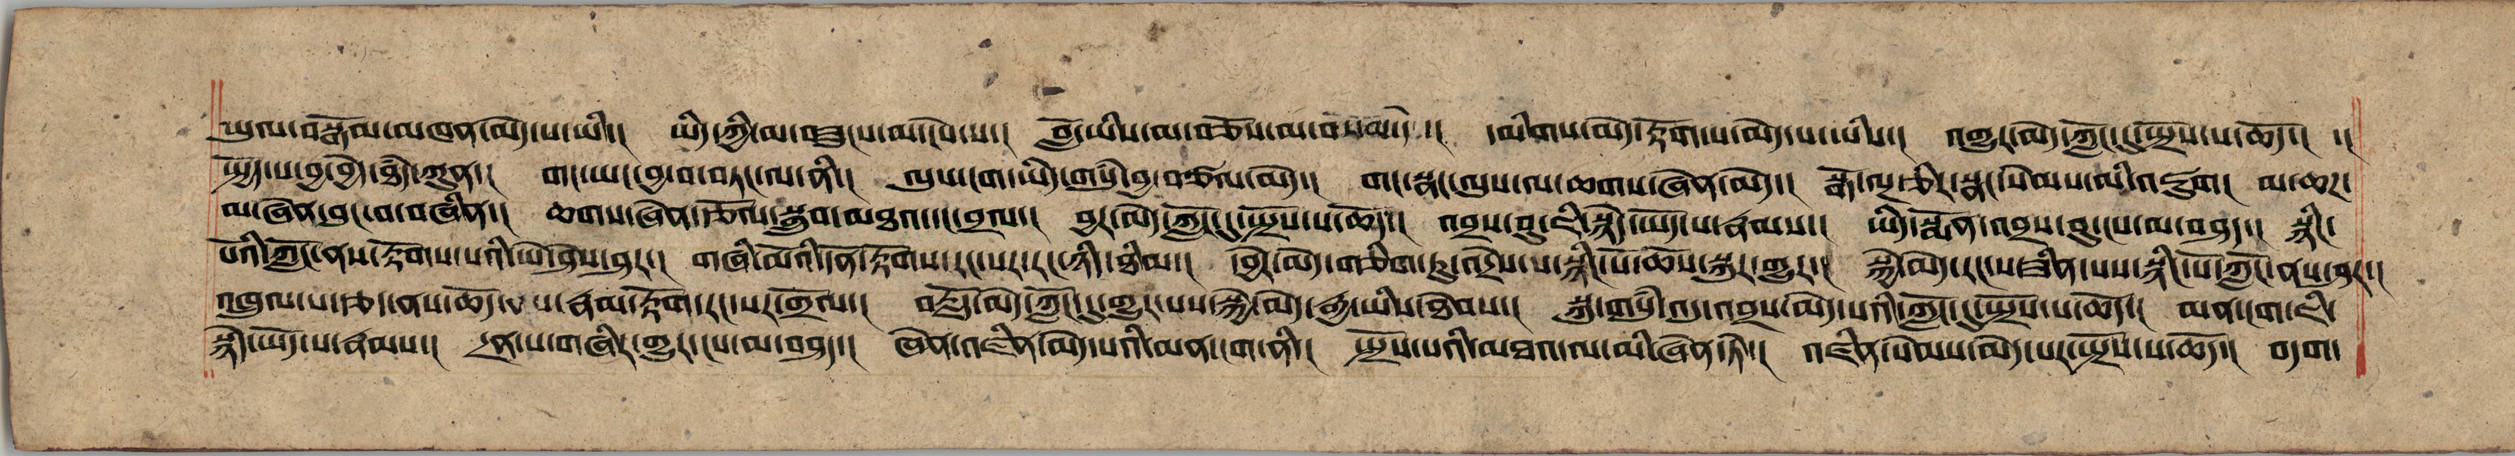ཡུལ་བསྒོམ་མཁན་མེད་པ་ཡི་། ཡིད་ཀྱི་མ་བཟུངས་མ་ངེས་པ་། བློ་ཡིས་མ་བཅོས་མ་བསལ་དེ་། དམིགས་མེད་རྟོག་པ་མེད་པ་ཡིས་། འགྱུར་མེད་ཀློང་དུ་སྤྲོས་པ་ཆོད་། ་།
སྤྱོད་པ་བྱ་བྱེད་ཐཾད་ཀུན་། གང་ཡང་བྱ་བ་བཏང་ལ་ནི་། ལུས་ངག་ཡིད་གསུཾ་བྱ་བཙལ་མེད་། གང་སྣང་ལུས་ལ་ཆགས་ཞེན་མེད་། སྒོ་ལྔ་ཅིར་སྣང་སེམས་མི་འཇུག། མ་ཆཌ་
མ་ཞེན་བུང་བ་བཞིན་། ཆགས་ཞེན་རྩོལ་སྒྲུབ་མཐའ་དང་བྲལ་། བྱར་མེད་ཀློང་དུ་སྤྲོས་པ་ཆོད་། འབྲས་བུ་ཇི་སྙེད་ཡོད་པ་རྣམས་། ཡིད་སྨོན་འབྲས་བུ་ངས་མ་བཤད་། སྙིང་
པོའི་ཀློང་ནས་རྟོགས་པའི་ཡེ་ཤེས་ཤར་། གཞི་མོའི་དོན་རྟོགས་རང་སར་རང་ཉིད་ཐིམ་། དབྱེར་མེད་གཅིག་ཏུ་འདྲེས་པ་སྙིང་པོ་ཆོས་སྐུར་གྱུར་། སྐྱེ་མེད་རང་ས་ཟིན་པས་སྙིང་པོ་ཀློང་ནས་ཤར་
འཁྲུལ་པ་རྩད་ནས་ཆོད་པས་རྣམ་རྟོག་རང་སར་གྲོལ་། བརྗོད་མེད་ཀློང་དུ་གྱུར་པས་སྐྱེ་མེད་རྒྱ་ཡིས་ཐེབས་། སྐུ་གསུཾ་འདུ་འབྲས་མེད་པའི་ཀློང་དུ་སྤྲོས་པ་ཆོད་། མན་ངག་ཇི་
སྙེད་ཡོད་པ་རྣམས་། དྲན་པ་གཞིར་གྱུར་ངས་མ་བཤད་། ཞེན་འཛིན་མེད་པའི་མན་ངག་ནི་། སྤྲོས་པའི་མཐའ་ལ་མི་ཞེན་ཏེ་། འཛིན་སེམས་མེད་པར་སྤྲོས་པ་ཆོད་། བདག་